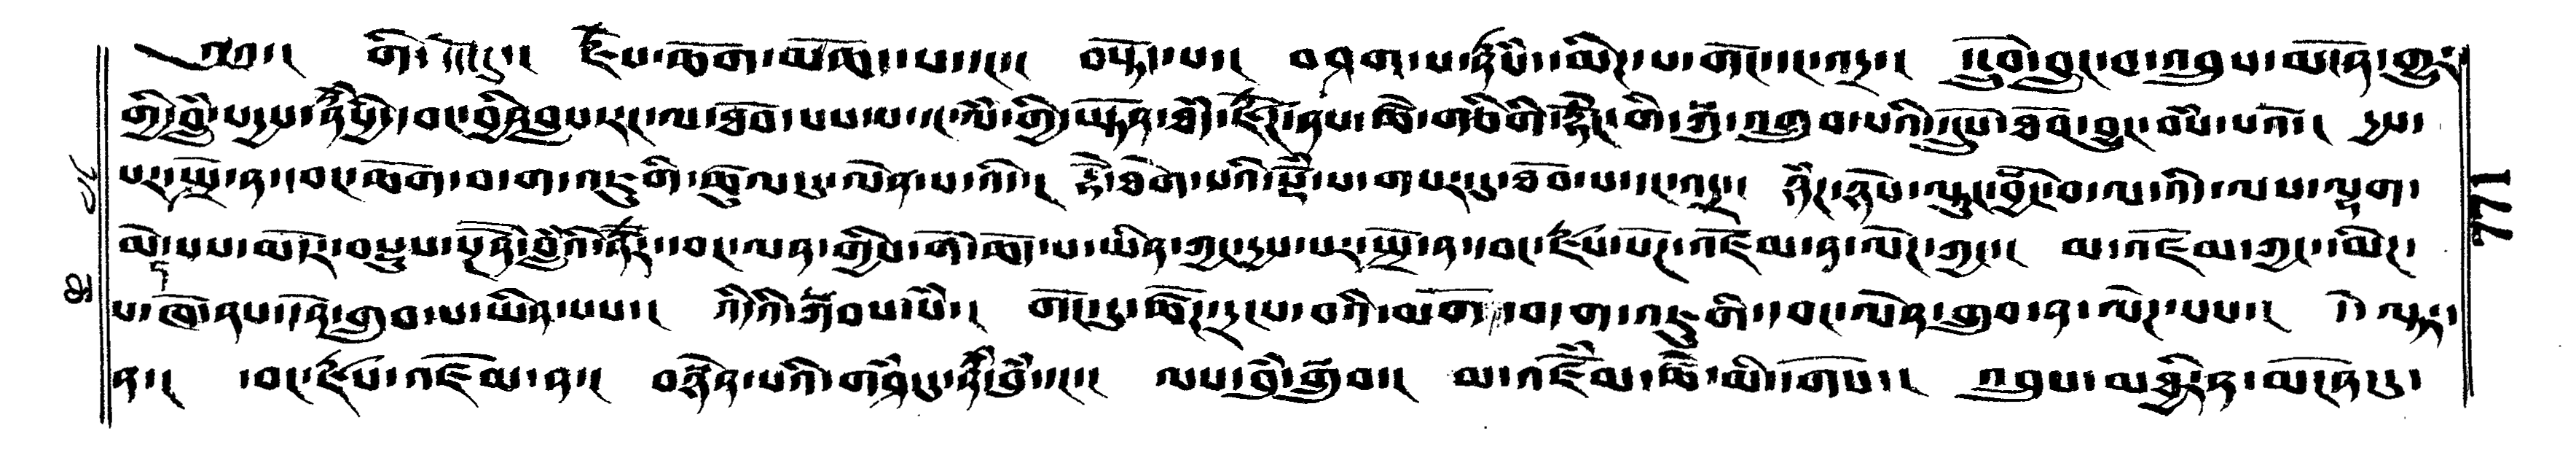གི་དོད་དུ། རྗེས་ཆོག་མཆོད་པ་དང་། བསྟོད་པ། བཤགས་པ་རྣམས་དམིགས་པ་གོང་དང་འདྲ། དངོས་གྲུབ་བླང་བ་འབྲས་བུ་མངོན་གྱུར་
གྱི་བླ་མ་སངས་རྒྱས་རྣམས་ཀྱི་དབང་བྱིན་རླབས་རང་ལ་ཐོབ་པས་ས་དང་ལམ་གྱི་ཡོན་ཏན་ཐམས་ཅད་རྫོགས་ནས་ཚེ་གཅིག་གི་རྡོ་རྗེ་འཆང་གི་སྐུ་འགྲུབ་པའི་དངོས་གྲུབ་ཐོབ་བྱུང་བསམ་པའོ། རྒྱས་
པར་སྤྲོ་ན་དབང་ཆོག་བདག་འཇུག་གི་ཚུལ་དུ་ལེན་པ་འདི། རྡོ་རྗེ་ཐེག་པའི་སྡོམ་པ་གསར་དུ་ཐོབ་པ་དང་འདྲ། ཉམ་ཆགས་ཉེས་ལྟུང་སྦྱོང་བ་ལ་འདི་ལས་ལྷག་
མེད་པས་མདོར་བསྡུས་སྔོན་འགྲོ་བླ་མའི་རྣལ་འབྱོར་དབང་ལེན་གྱིས་གོ་ཆོད་པ་ཡིན་ཀྱང་རྒྱས་པར་སྤྲོ་ན་དབང་རྫས་སོགས་འཛོམ་ན་ལེགས་ཀྱང་། མ་འཛོམ་ཀྱང་དམིགས་
པ་ཁོ་ནས་དོན་གྲུབ་པ་ཡིན་པས། འདིའི་སྐབས་སམ། གོང་དུ་ཚོགས་དྲངས་པའི་མགོ་བདག་འཇུག་གི་དབང་ལེན་གྲུབ་ན་ལེགས་པས། དེ་ལྟར་
ན། དབང་རྫས་འཛོམ་ན། བསྙེན་པའི་གཤམ་དུ་རྣམ་བུམ་དང་། ལས་བུམ་སྒྲུབ། མ་འཛོམས་ཚེ་མི་དགོས། འབྲས་བུ་མཐར་ཕྱིན་མངོན་དུ་